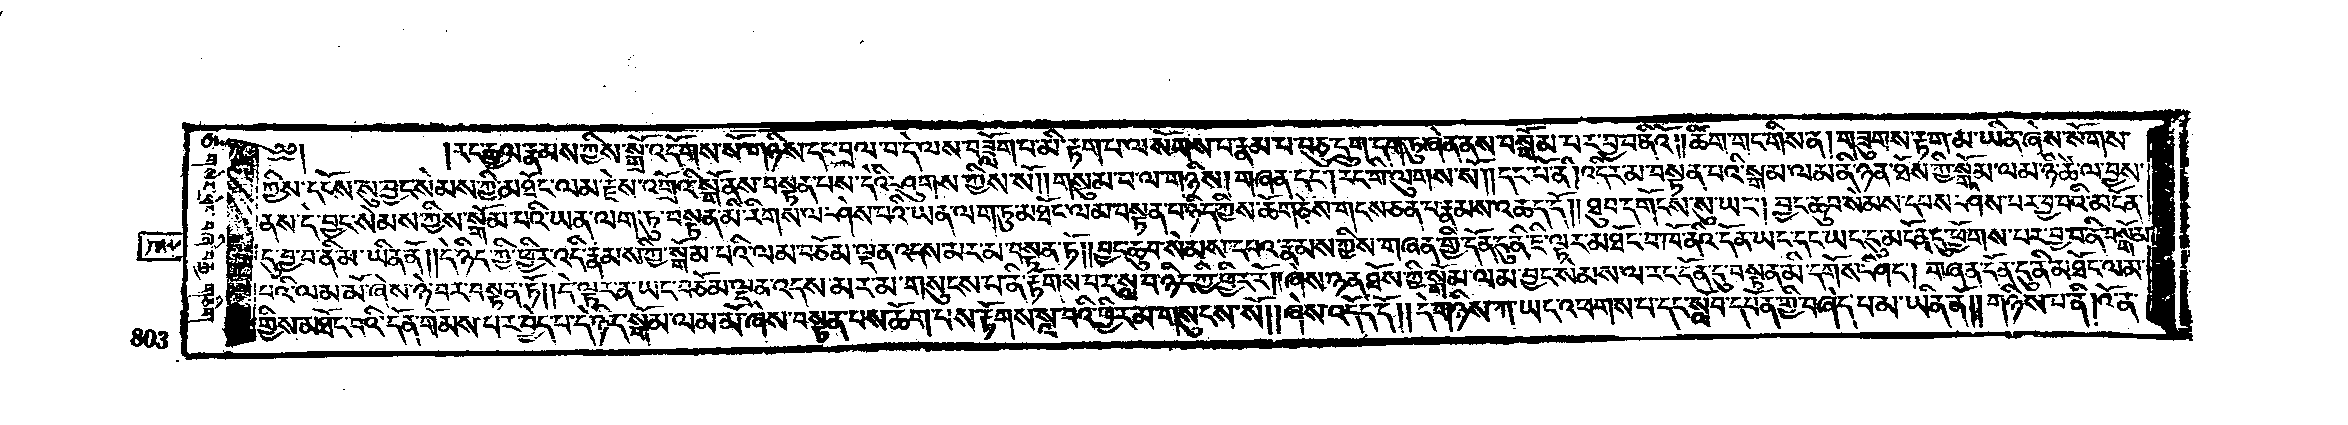༄༅། །རང་རྒྱལ་རྣམས་ཀྱིས་སྒྲོ་འདོགས་སོ་གཉིས་དང་བྲལ་བ་དེ་ལས་བཟློག་པ་མི་རྟག་པ་ལ་སོགས་པ་རྣམ་པ་བཅུ་དྲུག་དག་ཏུ་ཞེན་ནས་བསྒོམ་པར་བྱ་བ་ནིའོ། །ཚིག་གང་གིས་ན། གཟུགས་རྟག་མ་ཡིན་ཞེས་སོགས་
ཀྱིས་དངོས་སུ་བྱང་སེམས་ཀྱི་མཐོང་ལམ་རྗེས་འགྲོའི་སྒོ་ནས་བསྟན་པས་དེའི་ཤུགས་ཀྱིས་སོ། །གསུམ་པ་ལ་གཉིས། གཞན་དང་། རང་གི་ལུགས་སོ། །དང་པོ་ནི། འདིར་མ་བསྟན་པའི་སྒོམ་ལམ་ནི་ཉན་ཐོས་ཀྱི་སྒོམ་ལམ་ཉི་ཚེ་ལ་བྱས་
ནས་དེ་བྱང་སེམས་ཀྱིས་སྒོམ་པའི་ཡན་ལག་ཏུ་བསྟན་མི་རིགས་ལ་ཤེས་པའི་ཡན་ལག་ཏུ་མཐོང་ལམ་བསྟན་པ་ཉིད་ཀྱིས་ཆོག་ཅེས་གངས་ཅན་པ་རྣམས་འཆད་དོ། །ཐུབ་དགོངས་སུ་ཡང་། བྱང་ཆུབ་སེམས་དཔས་ཤེས་པར་བྱ་བའི་མངོན་
དུ་བྱ་བ་ནི་མ་ཡིན་ནོ། །དེ་ཉིད་ཀྱི་ཕྱིར་འདི་རྣམས་ཀྱི་སྒོམ་པའི་ལམ་བཅོམ་ལྡན་འདས་མར་མ་བསྟན་ཏོ། །བྱང་ཆུབ་སེམས་དཔའ་རྣམས་ཀྱིས་གཞན་གྱི་དོན་དུ་ནི་ཇི་ལྟར་མཐོང་བ་ཁོ་ནའི་དོན་ཡང་དང་ཡང་དུ་མངོན་དུ་ཕྱོགས་པར་བྱ་བ་ནི་བསྒོམ་
པའི་ལམ་མོ་ཞེས་ཉེ་བར་བསྟན་ཏོ། །དེ་ལྟར་ན་ཡང་བཅོམ་ལྡན་འདས་མར་མ་གསུངས་པ་ནི་རྟོགས་པར་སླ་བ་ཉིད་ཀྱི་ཕྱིར་རོ། །ཞེས་ཉན་ཐོས་ཀྱི་སྒོམ་ལམ་བྱང་སེམས་ལ་རང་དོན་དུ་བསྟན་མི་དགོས་ཤིང་། གཞན་དོན་དུ་ནི་མཐོང་ལམ་
གྱིས་མཐོང་བའི་དོན་གོམས་པར་བྱེད་པ་དེ་ཉིད་སྒོམ་ལམ་མོ་ཞེས་བསྟན་པས་ཆོག་པས་རྟོགས་སླ་བའི་ཕྱིར་མ་གསུངས་སོ། །ཞེས་འདོད་དོ། །དེ་གཉིས་ཀ་ཡང་འཕགས་པ་དང་སློབ་དཔོན་གྱི་བཞེད་པ་མ་ཡིན་ནོ། །གཉིས་པ་ནི། འོ་ན་